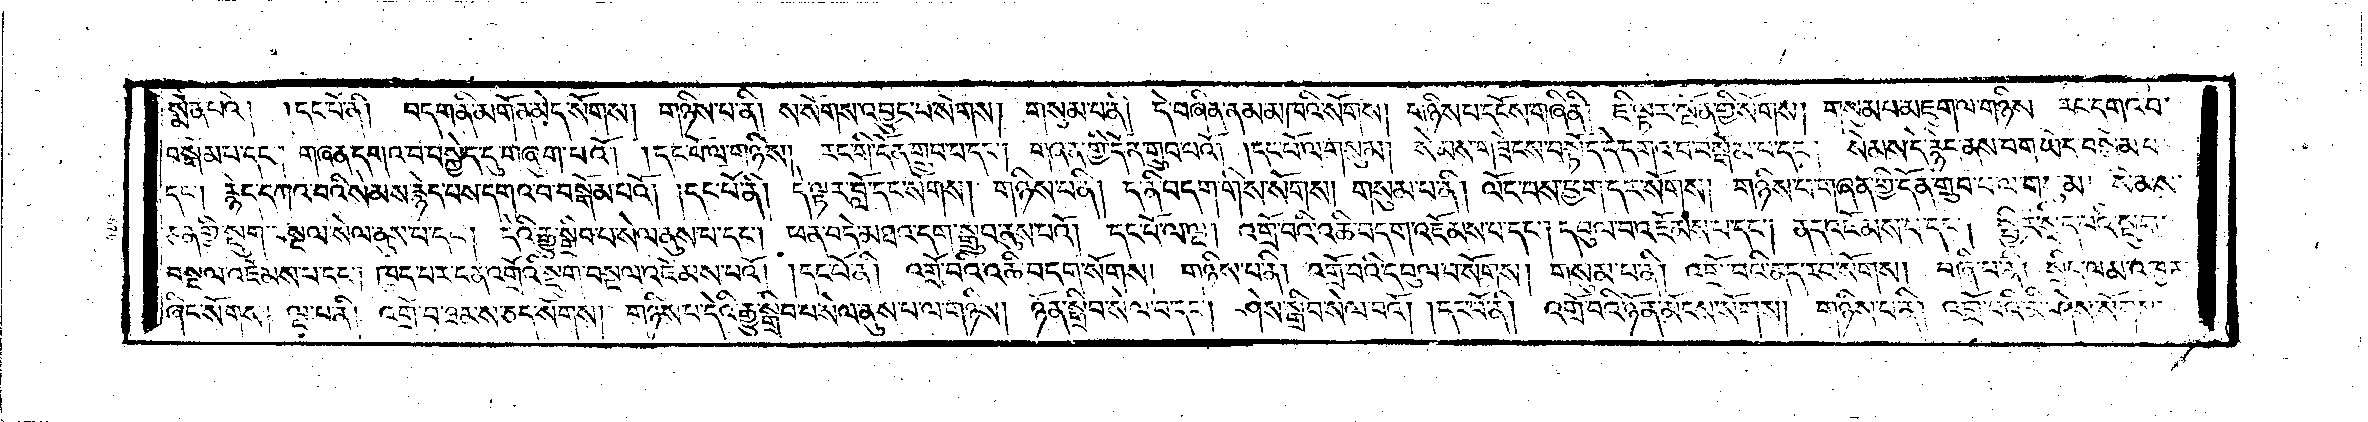སྨོན་པའོ། །དང་པོ་ནི། བདག་ནི་མགོན་མེད་སོགས། གཉིས་པ་ནི། ས་སོགས་འབྱུང་བ་སོགས། གསུམ་པ་ནི། དེ་བཞིན་ནམ་མཁའི་སོགས། གཉིས་པ་དངོས་གཞི་ནི། ཇི་ལྟར་སྔོན་གྱི་སོགས། གསུམ་པ་མཇུག་ལ་གཉིས་རང་དགའ་བ་
བསྒོམ་པ་དང་། གཞན་དགའ་བ་བསྐྱེད་དུ་གཞུག་པའོ། །དང་པོ་ལ་གཉིས། རང་གི་དོན་གྲུབ་པ་དང་། གཞན་གྱི་དོན་གྲུབ་པའོ། །དང་པོ་ལ་གསུམ། སེམས་གཟེངས་བསྟོད་དེ་དགའ་བ་བསྒོམ་པ་དང་། སེམས་དེ་རྙེད་ནས་བག་ཡོད་བསྒོམ་པ་
དང་། རྙེད་དཀའ་བའི་སེམས་རྙེད་བས་དགའ་བ་བསྒོམ་པའོ། །དང་པོ་ནི། དེ་ལྟར་བློ་དང་སོགས། གཉིས་པ་ནི། ད་ནི་བདག་གིས་སོགས། གསུམ་པ་ནི། ལོང་བས་ཕྱག་དར་སོགས། གཉིས་པ་གཞན་གྱི་དོན་གྲུབ་པ་ལ་གསུམ། སེམས་
ཅན་གྱི་སྡུག་བསྔལ་སེལ་ནུས་པ་དང་། དེའི་རྒྱུ་སྒྲིབ་པ་སེལ་ནུས་པ་དང་། ཕན་བདེ་མཐའ་དག་སྒྲུབ་ནུས་པའོ། དང་པོ་ལ་ལྔ། འགྲོ་བའི་འཆི་བདག་འཇོམས་པ་དང་། དབུལ་བ་འཇོམས་པ་དང་། ནད་འཇོམས་པ་དང་། སྤྱིར་སྲིད་པའི་སྡུག་
བསྔལ་འཇོམས་པ་དང་། ཁྱད་པར་ངན་འགྲོའི་སྡུག་བསྔལ་འཇོམས་པའོ། །དང་པོ་ནི། འགྲོ་བའི་འཆི་བདག་སོགས། གཉིས་པ་ནི། འགྲོ་བའི་དབུལ་བ་སོགས། གསུམ་པ་ནི། འགྲོ་བའི་ནད་རབ་སོགས། བཞི་པ་ནི། སྲིད་ལམ་འཁྱར་
ཞིང་སོགས། ལྔ་པ་ནི། འགྲོ་བ་ཐམས་ཅད་སོགས། གཉིས་པ་དེའི་རྒྱུ་སྒྲིབ་པ་སེལ་ནུས་པ་ལ་གཉིས། ཉོན་སྒྲིབ་སེལ་བ་དང་། ཤེས་སྒྲིབ་སེལ་བའོ། །དང་པོ་ནི། འགྲོ་བའི་ཉོན་མོངས་སོགས། གཉིས་པ་ནི། འགྲོ་བའི་མི་ཤེས་སོགས་